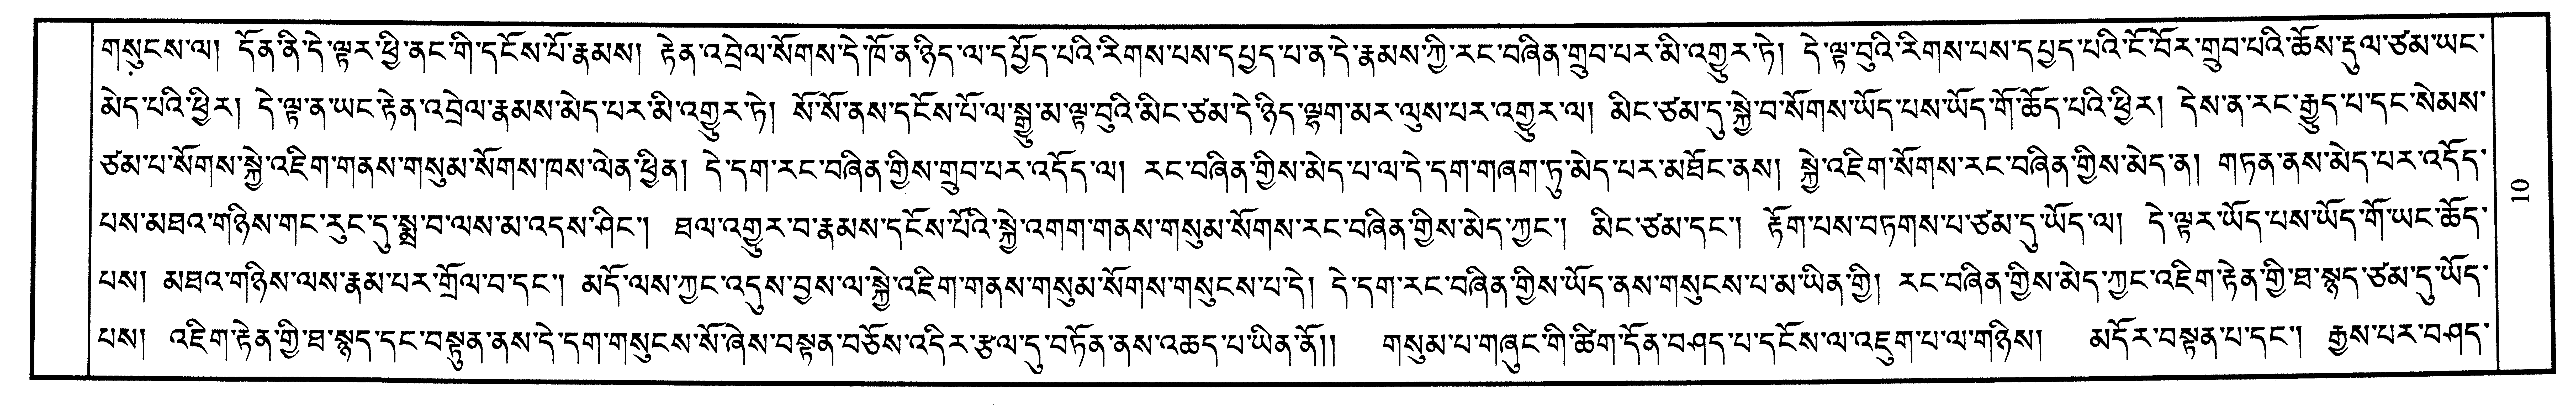གསུངས་ལ། དོན་ནི་དེ་ལྟར་ཕྱི་ནང་གི་དངོས་པོ་རྣམས། རྟེན་འབྲེལ་སོགས་དེ་ཁོ་ན་ཉིད་ལ་དཔྱོད་པའི་རིགས་པས་དཔྱད་པ་ན་དེ་རྣམས་ཀྱི་རང་བཞིན་གྲུབ་པར་མི་འགྱུར་ཏེ། དེ་ལྟ་བུའི་རིགས་པས་དཔྱད་པའི་ངོ་བོར་གྲུབ་པའི་ཆོས་རྡུལ་ཙམ་ཡང་
མེད་པའི་ཕྱིར། དེ་ལྟ་ན་ཡང་རྟེན་འབྲེལ་རྣམས་མེད་པར་མི་འགྱུར་ཏེ། སོ་སོ་ནས་དངོས་པོ་ལ་སྒྱུ་མ་ལྟ་བུའི་མིང་ཙམ་དེ་ཉིད་ལྷག་མར་ལུས་པར་འགྱུར་ལ། མིང་ཙམ་དུ་སྐྱེ་བ་སོགས་ཡོད་པས་ཡོད་གོ་ཆོད་པའི་ཕྱིར། དེས་ན་རང་རྒྱུད་པ་དང་སེམས་
ཙམ་པ་སོགས་སྐྱེ་འཇིག་གནས་གསུམ་སོགས་ཁས་ལེན་ཕྱིན། དེ་དག་རང་བཞིན་གྱིས་གྲུབ་པར་འདོད་ལ། རང་བཞིན་གྱིས་མེད་པ་ལ་དེ་དག་གཞག་ཏུ་མེད་པར་མཐོང་ནས། སྐྱེ་འཇིག་སོགས་རང་བཞིན་གྱིས་མེད་ན། གཏན་ནས་མེད་པར་འདོད་
པས་མཐའ་གཉིས་གང་རུང་དུ་སྨྲ་བ་ལས་མ་འདས་ཤིང་། ཐལ་འགྱུར་བ་རྣམས་དངོས་པོའི་སྐྱེ་འགག་གནས་གསུམ་སོགས་རང་བཞིན་གྱིས་མེད་ཀྱང་། མིང་ཙམ་དང་། རྟོག་པས་བཏགས་པ་ཙམ་དུ་ཡོད་ལ། དེ་ལྟར་ཡོད་པས་ཡོད་གོ་ཡང་ཆོད་
པས། མཐའ་གཉིས་ལས་རྣམ་པར་གྲོལ་བ་དང་། མདོ་ལས་ཀྱང་འདུས་བྱས་ལ་སྐྱེ་འཇིག་གནས་གསུམ་སོགས་གསུངས་པ་དེ། དེ་དག་རང་བཞིན་གྱིས་ཡོད་ནས་གསུངས་པ་མ་ཡིན་གྱི། རང་བཞིན་གྱིས་མེད་ཀྱང་འཇིག་རྟེན་གྱི་ཐ་སྙད་ཙམ་དུ་ཡོད་
པས། འཇིག་རྟེན་གྱི་ཐ་སྙད་དང་བསྟུན་ནས་དེ་དག་གསུངས་སོ་ཞེས་བསྟན་བཅོས་འདིར་རྩལ་དུ་བཏོན་ནས་འཆད་པ་ཡིན་ནོ།། གསུམ་པ་གཞུང་གི་ཚིག་དོན་བཤད་པ་དངོས་ལ་འཇུག་པ་ལ་གཉིས། མདོར་བསྟན་པ་དང་། རྒྱས་པར་བཤད་